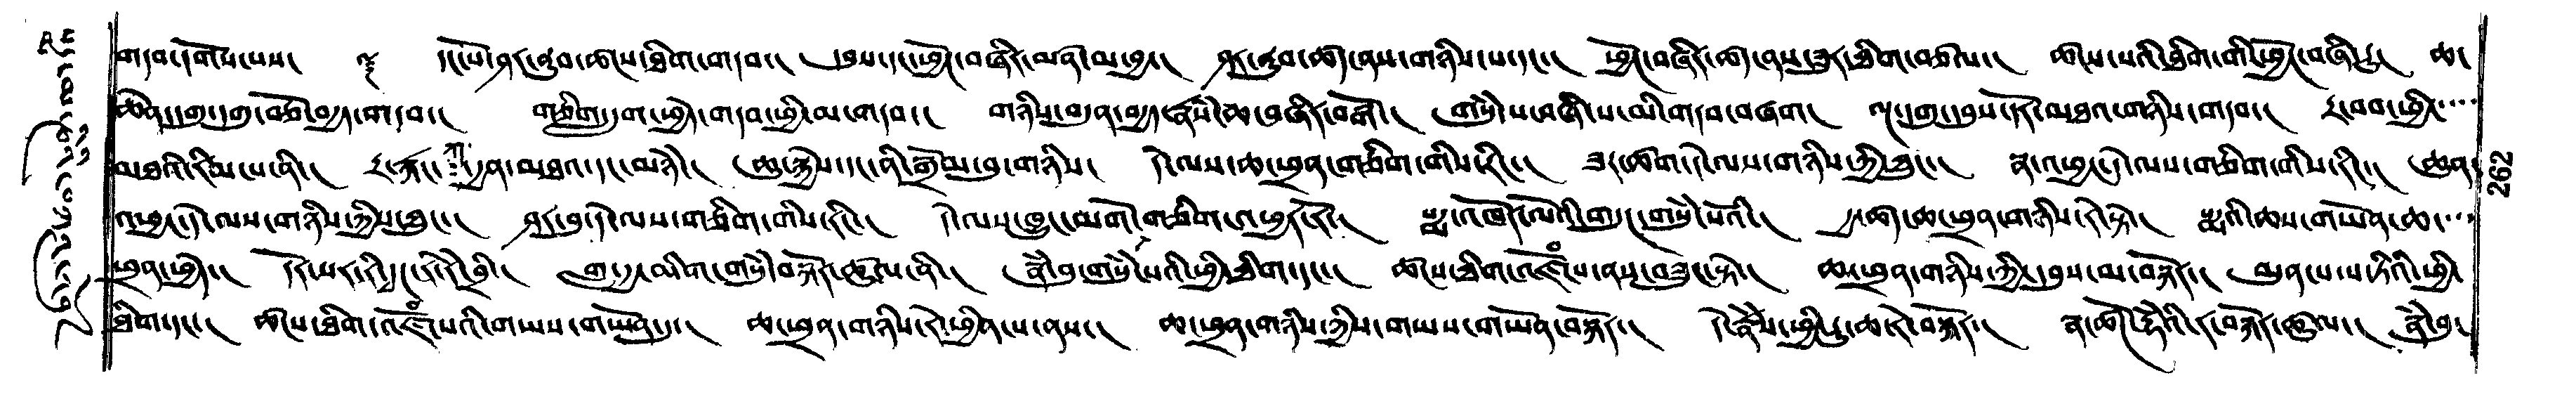གདབ་དགོས་པས། དང་པོ་ཤར་ནུབ་ཚངས་ཐིག་གདབ། །དབུས་དང་ཕྱོགས་བཞིར་མཚན་མ་བྱ། །ཤར་ནུབ་ཚད་ནས་གཉིས་པ་དང་། །ཕྱོགས་བཞིར་ཚད་ནས་ཟུར་ཐིགབཙལ། །ཚངས་པའི་ཐིག་གི་ཕྱོགས་བཞི་རུ། །ཆ་
ཆེན་དགུ་དགུ་བཅོ་བརྒྱད་གདབ། །གཅིག་དྲུག་ཕྱེད་གདབ་ཕྱི་མ་གདབ། །གཉིས་བདུན་བརྒྱད་རྣམས་ཆ་བཞིར་བསྒོ། །གསུམ་པ་བཞི་པ་མི་གདབ་གཞག །ལྔ་དགུ་དབུས་དོར་མཐའ་གཉིས་གདབ། །རྟ་བབས་ཕྱི་
མཐའི་རིམ་པ་ནི། །རྟ་རྐང་ཀ་རྒྱན་མཐའ་དང་མཉམ། །ཆུ་སྐྱེས་དང་ནི་སྒྲོམ་བུ་གཉིས། །དེ་ལས་ཆ་ཕྲན་གཅིག་གིས་རིང་། །ཟར་ཚགས་དེ་ལས་གཉིས་ཀྱིས་ཐུང་། །སྣ་འཕྱང་དེ་ལས་གཅིག་གིས་རིང་། །ཆུན་
འཕྱང་དེ་ལས་གཉིས་ཀྱིས་ཐུང་། །ཤར་བུ་དེ་ལས་གཅིག་གིས་རིང་། །དེ་ལས་ཁྱུང་མགོ་གཅིག་འཕྱར་རོ། །པདྨ་འཁོར་ལོའི་གདུགས་གསུམ་པོའི། །རྒྱ་ཚད་ཆ་ཕྲན་གཉིས་རེ་སྟེ། །པདྨའི་ཆས་གཡོན་ཆ་
ཕྲན་ཕྱེད། དེ་བར་རི་དྭགས་རེ་རེ་བྲི། །གླང་རྒྱབ་མིག་གསུམ་སྐོར་ཚུལ་ནི། །སྣམ་བུ་གསུམ་པའི་ཕྱི་ཐིག་དང་། །ཚངས་ཐིག་འཛོམས་པ་ནས་བཟུང་སྟེ། །ཆ་ཕྲན་གཉིས་ཀྱི་དབུས་མ་བསྐོར། །མུན་པ་པ་ཏིའི་ཕྱི་
ཐིག་དང་། །ཚངས་ཐིག་འཛོམས་པའི་གཡས་གཡོན་དུ། །ཆ་ཕྲན་གཉིས་རེ་ཕྱིན་པ་ནས། །ཆ་ཕྲན་གཉིས་ཀྱིས་གཡས་གཡོན་བསྐོར། །དེ་རྣམས་ཕྱི་རུ་ཆ་རེ་བསྐོར། །སྣ་ཚོགས་རྡོ་རྗེའི་རྭ་སྐོར་ཚུལ། །སྣམ་བུ་